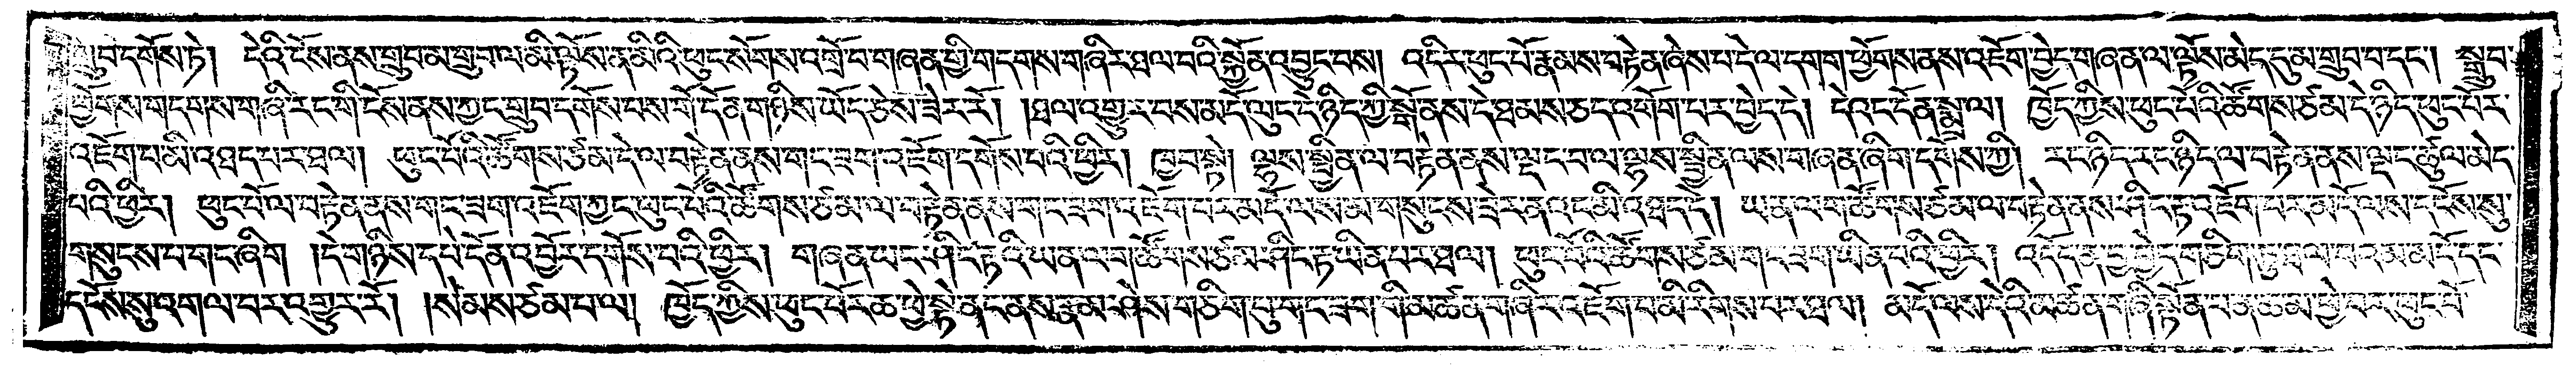གྲུབ་དགོས་ཏེ། དེའི་ངོས་ནས་གྲུབ་མ་གྲུབ་ལ་མི་ལྟོས་ན་མིའི་ཕུང་སོགས་འགྲོ་བ་གཞན་གྱི་གདགས་གཞིར་ཐལ་བའི་སྐྱོན་འབྱུང་བས། འདིར་ཕུང་པོ་རྣམས་བརྟེན་ཞེས་པ་དེ་ལ་དགག་ཕྱོགས་ནས་འཇོག་བྱེད་གཞན་ལ་ལྟོས་མེད་དུ་མ་གྲུབ་པ་དང་། སྒྲུབ་
ཕྱོགས་གདགས་གཞི་རང་གི་ངོས་ནས་ཀྱང་གྲུབ་དགོས་པས་གོ་དོན་གཉིས་ཡོད་ཅེས་ཟེར་རོ། །ཐལ་འགྱུར་བས་མདོ་ལུང་དེ་ཉིད་ཀྱི་སྒོ་ནས་དེ་ཐམས་ཅད་འགོག་པར་བྱེད་དེ། དེའང་དོན་སྨྲ་ལ། ཁྱོད་ཀྱིས་ཕུང་པོའི་ཚོགས་ཙམ་དེ་ཉིད་ཕུང་པོར་
འཇོག་པ་མི་འཐད་པར་ཐལ། ཕུང་པོའི་ཚོགས་ཙམ་དེ་ལ་བརྟེན་ནས་གང་ཟག་འཇོག་དགོས་པའི་ཕྱིར། ཁྱབ་སྟེ། ལྷས་སྦྱིན་ལ་བརྟེན་ནས་ལྡང་བ་ལ་ལྷས་སྦྱིན་ལས་གཞན་ཞིག་དགོས་ཀྱི། རང་ཉིད་རང་ཉིད་ལ་བརྟེན་ནས་ལྡང་ཚུལ་མེད་
པའི་ཕྱིར། ཕུང་པོ་ལ་བརྟེན་ནས་གང་ཟག་འཇོག་ཀྱང་ཕུང་པོའི་ཚོགས་ཙམ་ལ་བརྟེན་ནས་གང་ཟག་འཇོག་པར་མདོ་ལས་མ་གསུངས་ཟེར་ནའང་མི་འཐད་དེ། ཡན་ལག་ཚོགས་ཙམ་ལ་བརྟེན་ནས་ཤིང་རྟ་འཇོག་པར་མདོ་ལས་དངོས་སུ་
གསུངས་པ་གང་ཞིག །དེ་གཉིས་དཔེ་དོན་འབྱོར་དགོས་པའི་ཕྱིར། གཞན་ཡང་ཤིང་རྟའི་ཡན་ལག་ཚོགས་ཙམ་ཤིང་རྟ་ཡིན་པར་ཐལ། ཕུང་པོའི་ཚོགས་ཙམ་གང་ཟག་ཡིན་པའི་ཕྱིར། འདོད་ན་བྱ་བྱེད་གཅིག་ཏུ་ཐལ་བའམ་མདོ་དང་
དངོས་སུ་འགལ་བར་འགྱུར་རོ། །སེམས་ཙམ་པ་ལ། ཁྱོད་ཀྱིས་ཕུང་པོར་ཆ་ཕྱེ་སྟེ་ནང་ནས་རྣམ་ཤེས་གཅིག་པུ་གང་ཟག་གི་མཚན་གཞིར་འཇོག་པ་མི་རིགས་པར་ཐལ། མདོ་ལས་དེའི་མཚན་གཞི་སྟོན་པ་ན་ཆ་མ་ཕྱེ་བར་ཕུང་པོ་